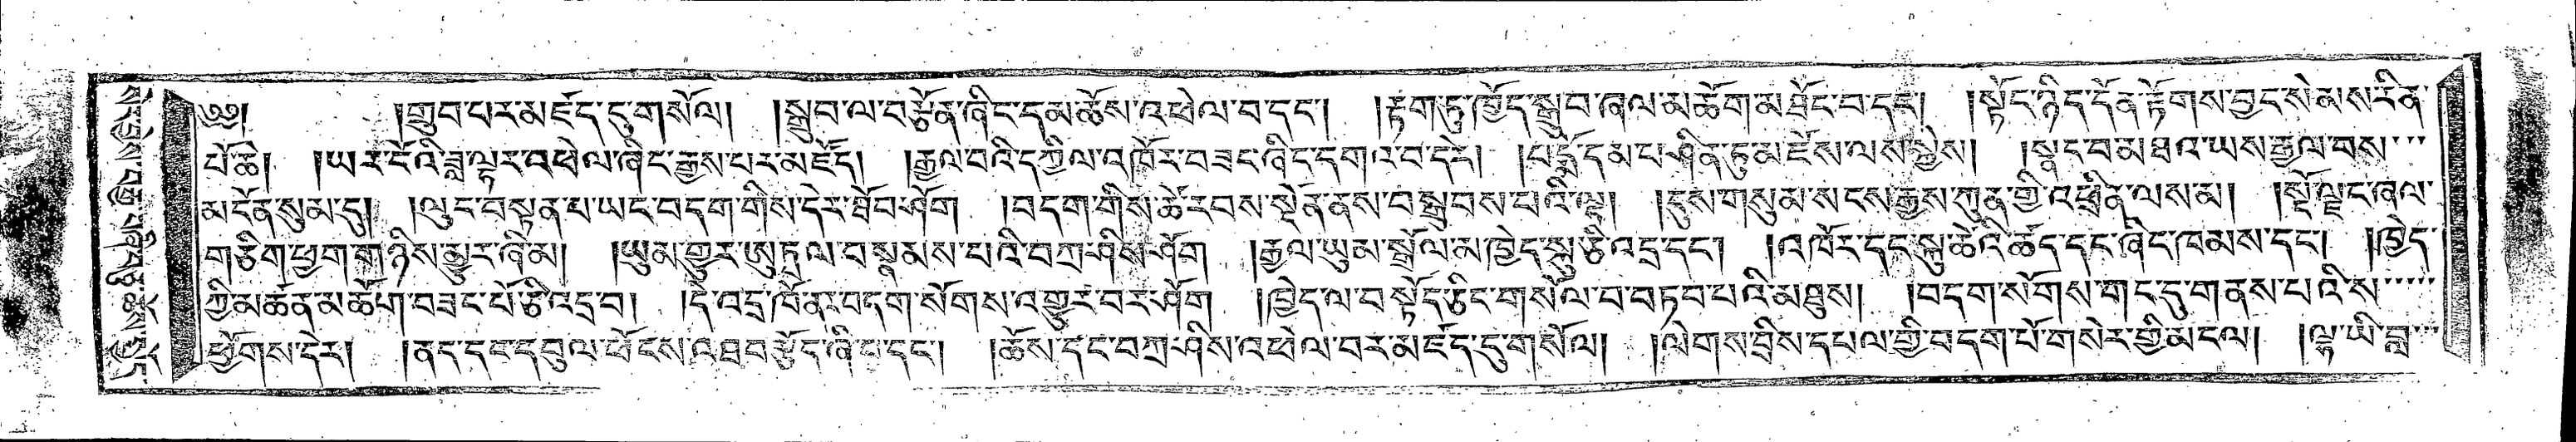༄༅། །གྲུབ་པར་མཛད་དུ་གསོལ། །སྒྲུབ་ལ་བརྩོན་ཞིང་དམ་ཆོས་འཕེལ་བ་དང་། །རྟག་ཏུ་ཁྱོད་སྒྲུབ་ཞལ་མཆོག་མཐོང་བ་དང་། །སྟོང་ཉིད་དོན་རྟོགས་བྱང་སེམས་རིན་
པོ་ཆེ། །ཡར་ངོའི་ཟླ་ལྟར་འཕེལ་ཞིང་རྒྱས་པར་མཛོད། །རྒྱལ་བའི་དཀྱིལ་འཁོར་བཟང་ཞིང་དགའ་བ་དེར། །པདམོ་དམ་པ་ཤིན་ཏུ་མཛེས་ལས་སྐྱེས། །སྣང་བ་མཐའ་ཡས་རྒྱལ་བས་
མངོན་སུམ་དུ། །ལུང་བསྟན་པ་ཡང་བདག་གིས་དེར་ཐོབ་ཤོག །བདག་གིས་ཚེ་རབས་སྔོན་ནས་བསྒྲུབས་པའི་ལྷ། །དུས་གསུམ་སངས་རྒྱས་ཀུན་གྱི་འཕྲིན་ལས་མ། །སྔོ་ལྗང་ཞལ་
གཅིག་ཕྱག་གཉིས་མྱུར་ཞི་མ། །ཡུམ་གྱུར་ཨུཏྤལ་བསྣམས་པའི་བཀྲ་ཤིས་ཤོག །རྒྱལ་ཡུམ་སྒྲོལ་མ་ཁྱེད་སྐུ་ཅི་འདྲ་དང་། །འཁོར་དང་སྐུ་ཚེའི་ཚད་དང་ཞིང་ཁམས་དང་། །ཁྱེད་
ཀྱི་མཚན་མཆོག་བཟང་པོ་ཅི་འདྲ་བ། །དེ་འདྲ་ཁོ་ནར་བདག་སོགས་འགྱུར་བར་ཤོག །ཁྱེད་ལ་བསྟོད་ཅིང་གསོལ་བ་བཏབ་པའི་མཐུས། །བདག་སོགས་གང་དུ་གནས་པའི་ས་
ཕྱོགས་དེར། །ནད་དང་དབུལ་ཕོངས་འཐབ་རྩོད་ཞི་བ་དང་། །ཆོས་དང་བཀྲ་ཤིས་འཕེལ་བར་མཛད་དུ་གསོལ། །ལེགས་བྲིས་དཔལ་གྱི་བདག་པོ་གསེར་གྱི་མངལ། །ལྷ་ཡི་བླ་